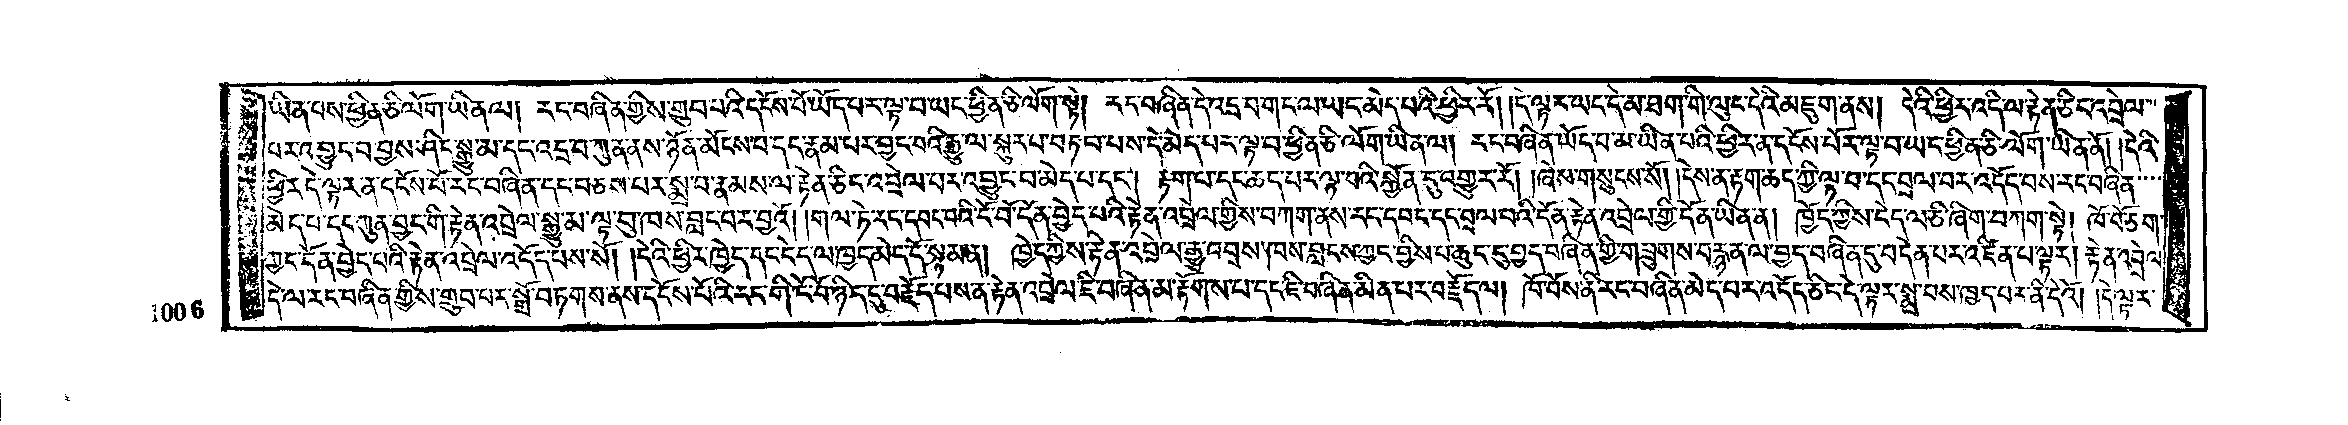ཡིན་པས་ཕྱིན་ཅི་ལོག་ཡིན་ལ། རང་བཞིན་གྱིས་གྲུབ་པའི་དངོས་པོ་ཡོད་པར་ལྟ་བ་ཡང་ཕྱིན་ཅི་ལོག་སྟེ། རང་བཞིན་དེ་འདྲ་བ་གང་ལ་ཡང་མེད་པའི་ཕྱིར་རོ། །དེ་ལྟར་ཡང་དེ་མ་ཐག་གི་ལུང་དེའི་མཇུག་ནས། དེའི་ཕྱིར་འདི་ལ་རྟེན་ཅིང་འབྲེལ་
པར་འབྱུང་བ་བྱས་ཤིང་སྒྱུ་མ་དང་འདྲ་བ་ཀུན་ནས་ཉོན་མོངས་པ་དང་རྣམ་པར་བྱང་བའི་རྒྱུ་ལ་སྐུར་པ་བཏབ་པས་དེ་མེད་པར་ལྟ་བ་ཕྱིན་ཅི་ལོག་ཡིན་ལ། རང་བཞིན་ཡོད་པ་མ་ཡིན་པའི་ཕྱིར་ན་དངོས་པོར་ལྟ་བ་ཡང་ཕྱིན་ཅི་ལོག་ཡིན་ནོ། །དེའི་
ཕྱིར་དེ་ལྟར་ན་དངོས་པོ་རང་བཞིན་དང་བཅས་པར་སྨྲ་བ་རྣམས་ལ་རྟེན་ཅིང་འབྲེལ་པར་འབྱུང་བ་མེད་པ་དང་། རྟག་པ་དང་ཆད་པར་ལྟ་བའི་སྐྱོན་དུ་འགྱུར་རོ། །ཞེས་གསུངས་སོ། །དེས་ན་རྟག་ཆད་ཀྱི་ལྟ་བ་དང་བྲལ་བར་འདོད་པས་རང་བཞིན་
མེད་པ་དང་ཀུན་བྱང་གི་རྟེན་འབྲེལ་སྒྱུ་མ་ལྟ་བུ་ཁས་བླང་བར་བྱའོ། །གལ་ཏེ་རང་དབང་བའི་ངོ་བོ་དོན་བྱེད་པའི་རྟེན་འབྲེལ་གྱིས་བཀག་ནས་རང་དབང་དང་བྲལ་བའི་དོན་རྟེན་འབྲེལ་གྱི་དོན་ཡིན་ན། ཁྱོད་ཀྱིས་ངེད་ལ་ཅི་ཞིག་བཀག་སྟེ། ཁོ་བོ་ཅག་
ཀྱང་དོན་བྱེད་པའི་རྟེན་འབྲེལ་འདོད་པས་སོ། །དེའི་ཕྱིར་ཁྱེད་དང་ངེད་ལ་ཁྱད་མེད་དོ་སྙམ་ན། ཁྱེད་ཀྱིས་རྟེན་འབྲེལ་རྒྱུ་འབྲས་ཁས་བླངས་ཀྱང་བྱིས་པ་ཆུང་ངུ་བྱད་བཞིན་གྱི་གཟུགས་བརྙན་ལ་བྱད་བཞིན་དུ་བདེན་པར་འཛིན་པ་ལྟར། རྟེན་འབྲེལ་
དེ་ལ་རང་བཞིན་གྱིས་གྲུབ་པར་སྒྲོ་བཏགས་ནས་དངོས་པོའི་རང་གི་ངོ་བོ་ཉིད་དུ་བརྗོད་པས་ན་རྟེན་འབྲེལ་ཇི་བཞིན་མ་རྟོགས་པ་དང་ཇི་བཞིན་མིན་པར་བརྗོད་ལ། ཁོ་བོས་ནི་རང་བཞིན་མེད་པར་འདོད་ཅིང་དེ་ལྟར་སྨྲ་བས་ཁྱད་པར་ནི་དེའོ། །དེ་ལྟར་